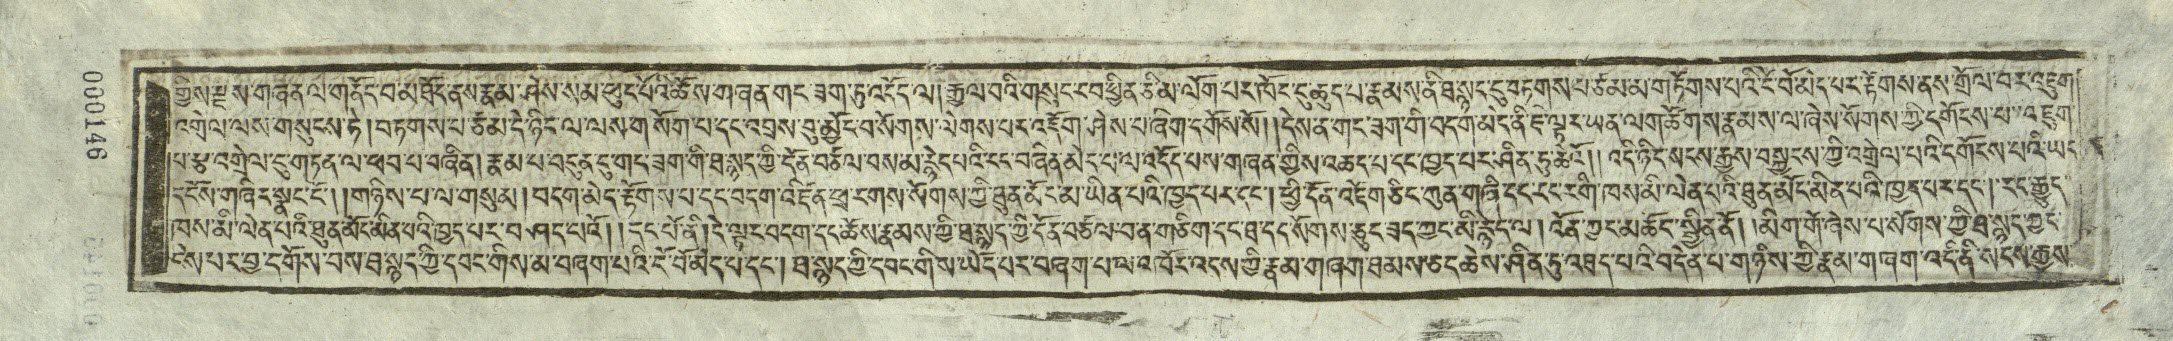གྱིས་རྫས་གཞན་ལ་གནོད་པ་མཐོང་ནས་རྣམ་ཤེས་སམ་ཕུང་པོའི་ཆོས་གཞན་གང་ཟག་ཏུ་འདོད་ལ། རྒྱལ་བའི་གསུང་རབ་ཕྱིན་ཅི་མ་ལོག་པར་ཁོང་དུ་ཆུད་པ་རྣམས་ནི་ཐ་སྙད་དུ་བཏགས་པ་ཙམ་མ་གཏོགས་པའི་ངོ་བོ་མེད་པར་རྟོགས་ནས་གྲོལ་བར་འཇུག་
འགྲེལ་ལས་གསུངས་ཏེ། བཏགས་པ་ཙམ་དེ་ཉིད་ལ་ལས་གསོག་པ་དང་འབྲས་དུ་མྱོང་བ་སོགས་ལེགས་པར་འཇོག་ཤེས་པ་ཞིག་དགོས་སོ། །དེས་ན་གང་ཟག་གི་བདག་མེད་ནི་ཇི་ལྟར་ཡན་ལག་ཚོགས་རྣམས་ལ་ཞེས་སོགས་ཀྱི་དགོངས་པ་འཇུག་
བ་རྩ་འགྲེལ་དུ་གཏན་ལ་ཕབ་པ་བཞིན། རྣམ་པ་བདུན་དུ་གང་ཟག་གི་ཐ་སྙད་ཀྱི་དོན་བཙལ་བས་མ་རྙེད་པའི་རང་བཞིན་མེད་པ་ལ་འདོད་པས་གཞན་གྱིས་འཆད་པ་དང་ཁྱད་པར་ཤིན་ཏུ་ཆེའོ། །འདི་ཉིད་སངས་རྒྱས་བསྐྱངས་ཀྱི་འགྲེལ་པའི་དགོངས་པའི་ཡང་
དངོས་གཞིར་སྣང་ངོ། །གཉིས་པ་ལ་གསུམ། བདག་མེད་རྟོགས་པ་དང་བདག་འཛིན་ཕྲ་རགས་སོགས་ཀྱི་ཐུན་མོང་མ་ཡིན་པའི་ཁྱད་པར་དང་། ཕྱི་དོན་འཇོག་ཅིང་ཀུན་གཞི་དང་རང་རིག་ཁས་མི་ལེན་པའི་ཐུན་མོང་མིན་པའི་ཁྱད་པར་དང་། རང་རྒྱུད་
ཁས་མི་ལེན་པའི་ཐུན་མོང་མིན་པའི་ཁྱད་པར་བཤད་པའོ། །དང་པོ་ནི། དེ་ལྟར་བདག་དང་ཆོས་རྣམས་ཀྱི་ཐ་སྙད་ཀྱི་དོན་བཙལ་བ་ན་གཅིག་དང་ཐ་དད་སོགས་ཅུང་ཟད་ཀྱང་མི་རྙེད་ལ། འོན་ཀྱང་མཆོད་སྦྱིན་ནོ། །མིག་གོ་ཞེས་པ་སོགས་ཀྱི་ཐ་སྙད་ཀྱང་
ངེས་པར་བྱ་དགོས་པས་ཐ་སྙད་ཀྱི་དབང་གིས་མ་བཞག་པའི་ངོ་བོ་མེད་པ་དང་། ཐ་སྙད་ཀྱི་དབང་གིས་ཡོད་པར་བཞག་པ་ལ་འཁོར་འདས་ཀྱི་རྣམ་གཞག་ཐམས་ཅད་ཆས་ཤིན་ཏུ་འཐད་པའི་བདེན་པ་གཉིས་ཀྱི་རྣམ་གཞག་འདི་ནི་སངས་རྒྱས་